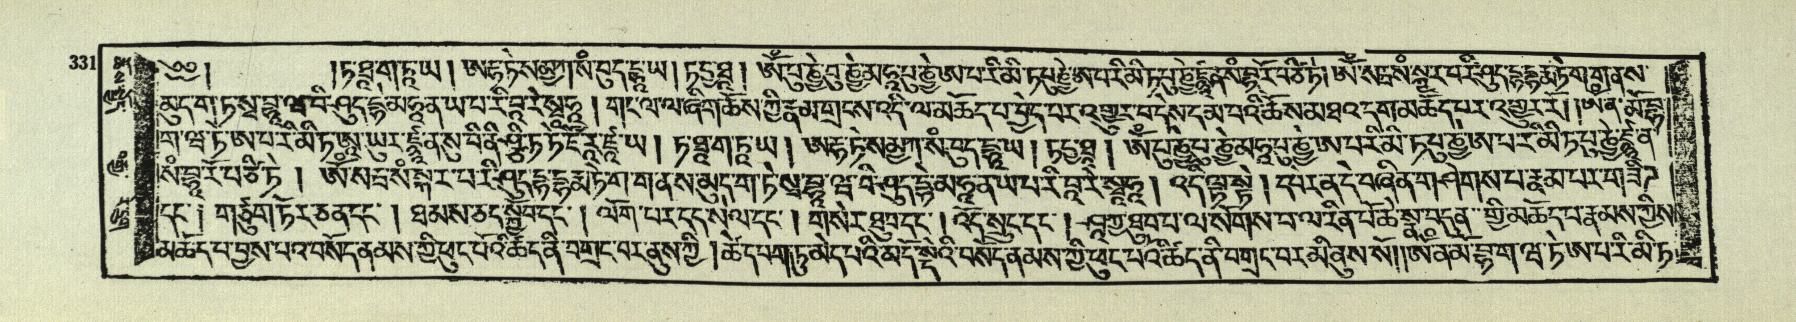༄༅། །ཏ་ཐཱ་ག་ཏཱ་ཡ། ཨརྷ་ཏེ་སམྱཀ་སཾ་བུད་དྷཱ་ཡ། ཏདྱ་ཐཱ། ཨོཾ་པུ་ཎྱེ་བུ་ཎྱེ་མཧཱ་པུ་ཎྱེ་ཨ་པ་རི་མི་ཏ་པུ་ཎྱེ་ཨ་པ་རི་མི་ཏ་པུ་ཎྱེ་ཛྙཱ་ན་སཾ་བྷ་རོ་པ་ཙི་ཏེ། ཨོཾ་སརྦ་སཾ་སྐྱར་པ་རི་ཤུད་དྷ་དྷ་རྨ་ཏེ་ག་ག་ནས་
མུ་ད་ག་ཏ་སྭ་བྷཱ་ཝ་བི་ཤུད་དྷེ་མཧཱ་ན་ཡ་པ་རི་བཱ་རེ་སྭཱ་ཧཱ། གང་ལ་ལ་ཞིག་ཆོས་ཀྱི་རྣམ་གྲངས་འདི་ལ་མཆོད་པ་བྱེད་པར་འགྱུར་བ་དེས་དམ་པའི་ཆོས་མཐའ་དག་མཆོད་པར་འགྱུར་རོ། །ཨོཾ་ན་མོ་བྷ་
ག་ཝ་ཏེ་ཨ་པ་རི་མི་ཏ་ཨཱ་ཡུར་ཛྙཱ་ན་སུ་བི་ནི་ཤྩི་ཏ་ཏེ་ཛོ་རཱ་ཛཱ་ཡ། ཏ་ཐཱ་ག་ཏཱ་ཡ། ཨརྷ་ཏེ་སམྱཀ་སཾ་བུད་དྷཱ་ཡ། ཏདྱ་ཐཱ། ཨོཾ་པུ་ཎྱེ་པུ་ཎྱེ་མཧཱ་པུ་ཎྱེ་ཨ་པ་རི་མི་ཏ་པུ་ཎྱེ་ཨ་པ་རི་མི་ཏ་པུ་ཎྱེ་ཛྙཱ་ན་
སཾ་བྷཱ་རོ་པ་ཙི་ཏེ། ཨོཾ་སརྦ་སཾ་སྐར་པ་རི་ཤུད་དྷ་དྷརྨ་ཏེ་ག་ག་ན་ས་མུད་ག་ཏེ་སྭ་བྷཱ་ཝ་བི་ཤུད་དྷེ་མཧཱ་ན་ཡ་པ་རི་བཱ་རེ་སྭཱ་ཧཱ། འདི་ལྟ་སྟེ། དཔེར་ན་དེ་བཞིན་གཤེགས་པ་རྣམ་པར་གཟིཌ་
དང་། གཙུག་ཏོར་ཅན་དང་། ཐམས་ཅད་སྐྱོབ་དང་།ལོག་པར་དད་སེལ་དང་།གསེར་ཐུབ་དང་།འོད་སྲུང་དང་།ཤཱཀྱ་ཐུབ་པ་ལ་སོགས་པ་ལ་རིན་པོ་ཆེ་སྣ་བདུན་གྱི་མཆོད་པ་རྣམས་ཀྱིས་
མཆོད་པ་བྱས་པའ་བསོད་ནམས་ཀྱི་ཕུང་པོའི་ཚད་ནི་བགྲང་བར་ནུས་ཀྱི། ཚེ་དཔག་ཏུ་མེད་པའི་མདོ་སྡེའི་བསོད་ནམས་ཀྱི་ཕུང་པོའི་ཚད་ནི་བགྲང་བར་མི་ནུས་སོ། །ཨོཾ་ན་མོ་བྷ་ག་ཝ་ཏེ་ཨ་པ་རི་མི་ཏ་